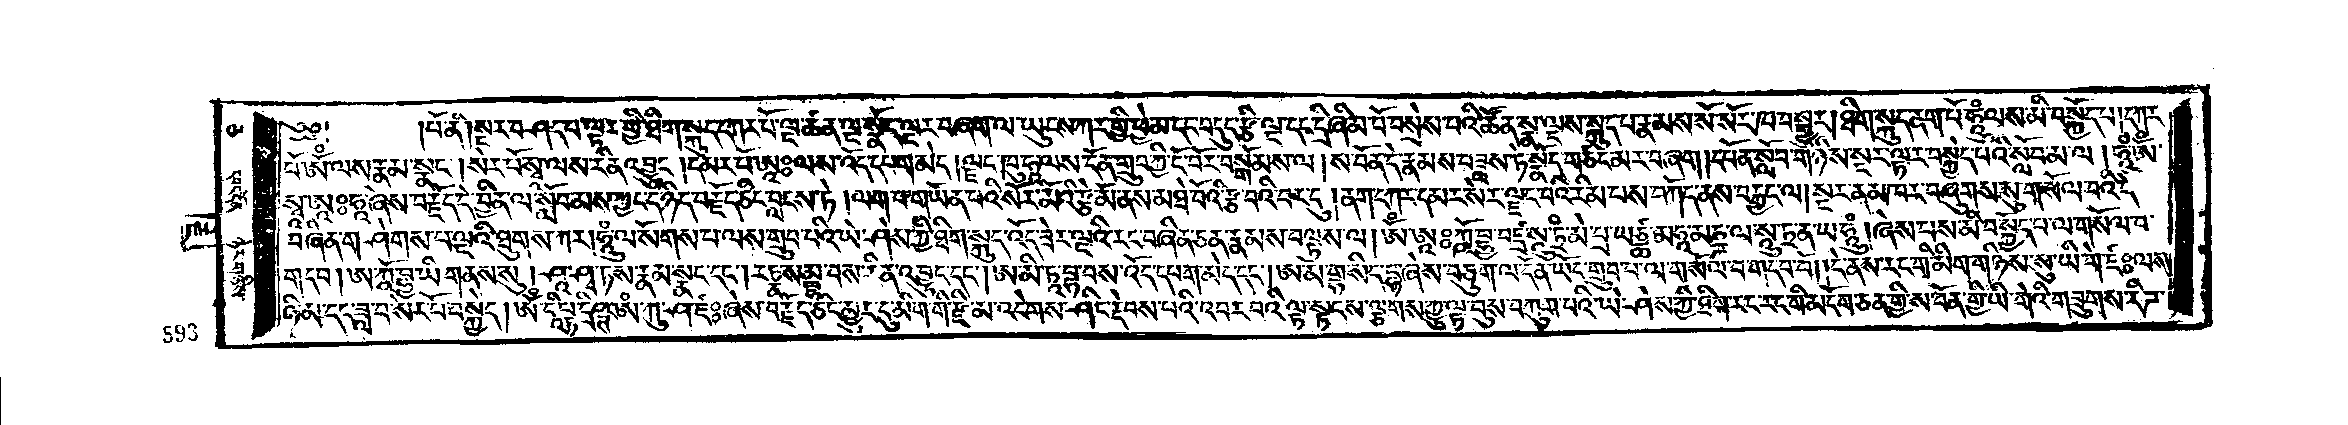༄༅། །པོ་ནི། སྔར་བཤད་པ་ལྟར་གྱི་ཐིག་སྐུད་དཀར་པོ་ལྔ་ཚན་ལྔ་སྣོད་ལྔར་བཞག་ལ་ཡུངས་ཀར་གྱི་ཕྱེ་མ་དང་བདུད་རྩི་ལྔ་དང་དྲི་ཞིམ་པོ་བསྲེས་པའི་ཚོན་སྣ་ལྔས་སྐུད་པ་རྣམས་སོ་སོར་ཁ་བསྒྱུར། ཐིག་སྐུད་ནག་པོ་ཧཱུཾ་ལས་མི་བསྐྱོད་པ། དཀར་
པོ་ཨོཾ་ལས་རྣམ་སྣང་། སེར་པོ་སྭ་ལས་རིན་འབྱུང་། དམར་པོ་ཨཱཿ ལས་འོད་དཔག་མེད། ལྗང་ཁུ་ཧཱ་ལས་དོན་གྲུབ་ཀྱི་ངོ་བོར་བསྒོམས་ལ། ས་བོན་དེ་རྣམས་བཟླས་ཏེ་སྣོད་གཙང་མར་བཞག །དཔོན་སློབ་གཉིས་སྔར་ལྟར་བསྐྱེད་པའི་སློབ་མ་ལ། ཧཱུཾ་ཨོཾ་
སྭཱ་ཨཱཿ ཧཱ་ཞེས་བརྗོད་དེ་བྱིན་ལ་སློབ་མས་ཀྱང་དེ་ཉིད་བརྗོད་ཅིང་བླངས་ཏེ། ལག་པ་གཡོན་པའི་སོར་མོའི་རྩེ་མོ་ནས་མཐེ་བོའི་རྩ་བའི་བར་དུ། ནག་དཀར་དམར་སེར་ལྗང་བའི་རིམ་པས་བཀོད་ནས་བརྐྱང་ལ། སྔར་ནམ་མཁར་བཞུགས་སུ་གསོལ་བའི་དེ་
བཞིན་གཤེགས་པ་ལྔའི་ཐུགས་ཀར། ཧཱུཾ་ལ་སོགས་པ་ལས་གྲུབ་པའི་ཡེ་ཤེས་ཀྱི་ཐིག་སྐུད་འོད་ཟེར་ལྔའི་རང་བཞིན་ཅན་རྣམས་བལྟས་ལ། ཨོཾ་ཨཱཿ ཀཥོ་བྷྱ་བཛྲ་སཱུ་ཏྲཾ་མེ་པྲ་ཡཙྪ་མཧཱ་མཎྜ་ལ་སཱུ་ཏྲ་ན་ཡ་ཧཱུཾ། ཞེས་པས་མི་བསྐྱོད་པ་ལ་གསོལ་བ་
གདབ། ཨ་ཀྵོ་བྷྱ་ཡི་གནས་སུ། ཤཱ་ཤྭ་ཏས་རྣམ་སྣང་དང་། རཏྣ་སམྦྷ་བས་རིན་འབྱུང་དང་། ཨ་མི་ཏཱ་བྷ་བས་འོད་དཔག་མེད་དང་། ཨ་མོ་གྷ་སིད་དྷ་ཞེས་བཅུག་ལ་དོན་ཡོད་གྲུབ་པ་ལ་གསོལ་བ་གདབ་བོ། །དེ་ནས་རང་གི་མིག་གཉིས་སུ་ཡི་གེ་ཛཿ ལས་
ཉི་མ་དང་ཟླ་བ་སེར་པོ་བསྐྱེད། ཨོཾ་དཱི་པྟ་དྲིཥཊ་ཨཾ་ཀུ་ཤ་ཛཿ ཞེས་བརྗོད་ཅིང་མྱུར་དུ་མིག་གི་རྫི་མ་འདེགས་ཤིང་རྡེབས་པའི་འབར་བའི་ལྟ་སྟངས་ལྕགས་ཀྱུ་ལྟ་བུས་བཀུག་པའི་ཡེ་ཤེས་ཀྱི་ཐིག་རང་རང་གི་མདོག་ཅན་གྱི་ས་བོན་གྱི་ཡི་གེའི་གཟུགས་རིཌ་